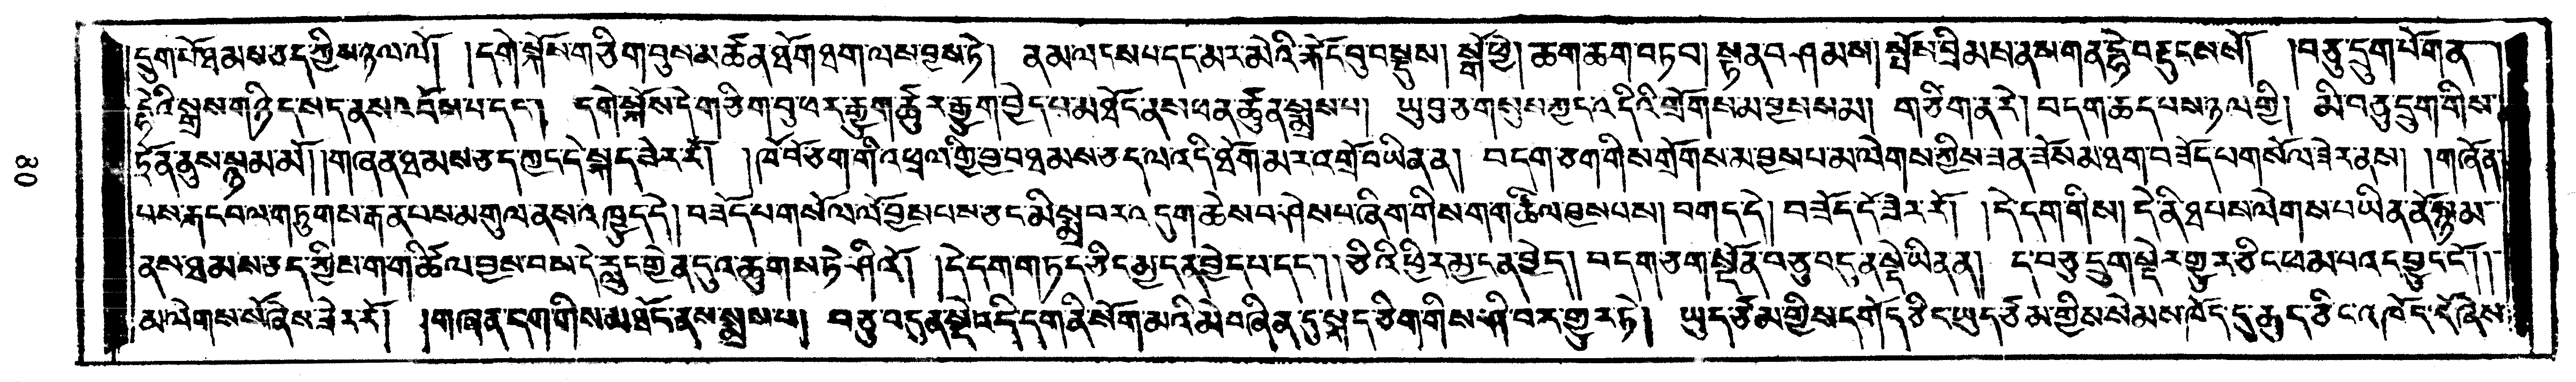དྲུག་པོ་ཐམས་ཅད་ཀྱིས་ཉལ་ལོ། །དགེ་སྐོས་གཅིག་བུས་མཚན་ཐོག་ཐག་ལས་བྱས་ཏེ། ནམ་ལངས་པ་དང་མར་མེའི་རྐོང་བུ་བསྡུས། སྒོ་ཕྱེ། ཆག་ཆག་བཏབ། སྟན་བཤམས། སྤོས་བྲིམས་ནས་ག་དྷེ་བརྡུངས་སོ། །བཅུ་དྲུག་པོ་གན་
དྷེའི་སྒྲས་གཉིད་སད་ནས་འབོས་པ་དང་། དགེ་སྐོས་དེ་གཅིག་བུ་ཕར་རྒྱུག་ཚུར་རྒྱུག་བྱེད་པ་མཐོང་ནས་ཕན་ཚུན་སྨྲས་པ། ཡུ་བུ་ཅ་གསུས་ཀྱང་འདིའི་གྲོགས་མ་བྱས་སམ། གཅིག་ན་རེ། བདག་ཆད་པས་ཉལ་གྱི། མི་བཅུ་དྲུག་གིས་
ཏྲོན་ནུས་སྙམ་མོ། །གཞན་ཐམས་ཅད་ཀྱང་དེ་སྐད་ཟེར་རོ། །ཁོ་བོ་ཅག་གི་འཕྲལ་གྱི་བྱ་བ་ཐམས་ཅད་ལ་འདི་ཐོག་མར་འགྲོ་བ་ཡིན་ན། བདག་ཅག་གིས་གྲོགས་མ་བྱས་པ་མ་ལེགས་ཀྱིས་ཟན་ཟོས་མ་ཐག་བཟོད་པ་གསོལ་ཟེར་ནས། །གཞོན་
པས་རྐང་བ་ལ་གཏུགས་རྒན་པས་མགུལ་ནས་འཁྱུད་དེ། བཟོད་པ་གསོལ་ལོ་བྱས་པས་ཅང་མི་སྨྲ་བར་འདུག་ཆེས་བཤེས་པ་ཞིག་གིས་གག་ཚིལ་བྱས་པས། བགད་དེ། བཟོད་དོ་ཟེར་རོ། །དེ་དག་གིས། དེ་ནི་ཐབས་ལེགས་ཡིན་ནོ་སྙམ་
ནས་ཐམས་ཅད་ཀྱིས་ག་གི་ཚལ་བྱས་པས་དེ་རླུང་གྱེན་དུ་འཆུགས་ཏེ་ཤིའོ། །དེ་དག་གཏད་ཅིང་མྱ་ངན་བྱེ་བ་དང་། །ཅིའི་ཕྱིར་མྱ་ངན་བྱེད། བདག་ཅག་སྔོན་བཅུ་བདུན་སྡེ་ཡིན་ན། ད་བཅུ་དྲུག་སྡེར་གྱུར་ཅིང་ཕམ་པའང་བྱུང་ངོ།།
མ་ལེགས་སོ་ཞེས་ཟེར་རོ། །གཞན་དག་གིས་མཐོང་ནས་སྨྲས་པ། བཅུ་བདུན་སྡེ་འདི་དག་ནི་སོག་མའི་མེ་བཞིན་དུ་སྐད་ཅིག་གིས་ཤི་བར་གྱུར་ཏེ། ཡུད་ཙམ་གྱིས་དགོད་ཅིང་ཡུད་ཙམ་གྱིས་སེམས་ཁོད་དུ་ཆུད་ཅིང་འཁོད་དོ་ཞེས་